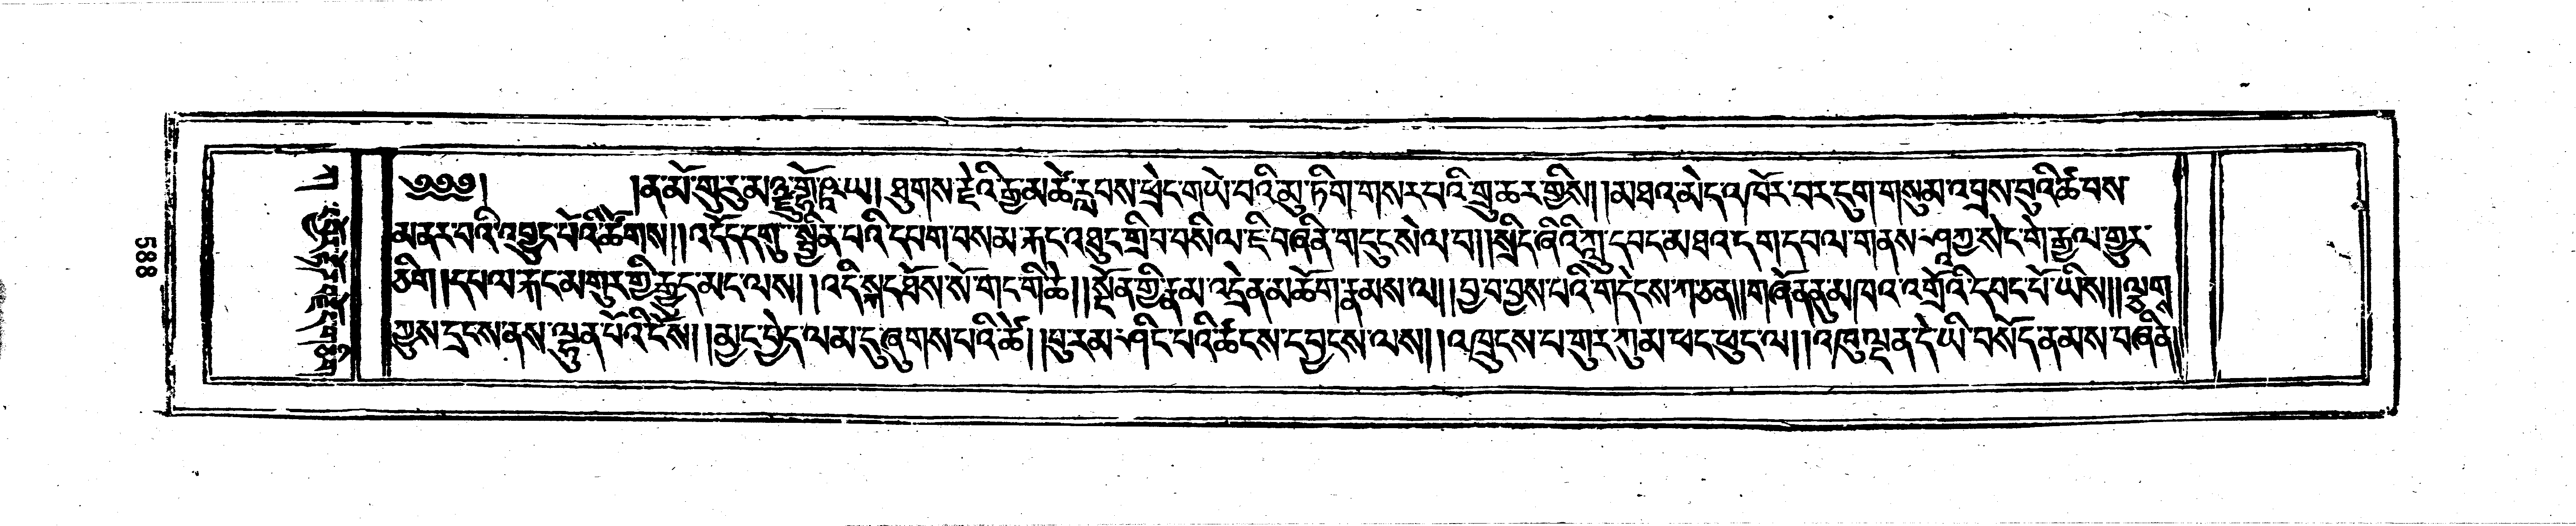༄༅༅། །ན་མོ་གུ་རུ་མཉྫུ་གྷོ་ཥཱ་ཡ། ཐུགས་རྗེའི་རྒྱ་མཚོ་རླབས་ཕྲེང་གཡོ་བའི་མུ་ཏིག་གསར་པའི་གྲུ་ཆར་གྱིས། །མཐའ་མེད་འཁོར་བར་དུག་གསུམ་འབྲས་བུའི་ཚ་བས་
མནར་བའི་འབྱུང་པོའི་ཚོགས། །འདོད་དགུ་སྦྱིན་པའི་དཔག་བསམ་རྐང་འཐུང་གྲིབ་བསིལ་ཇི་བཞིན་གདུང་སེལ་བ། །སྲིད་ཞིའི་ཀླུ་དབང་མཐའ་དག་དཔལ་གནས་ཤཱཀྱ་སེང་གེ་རྒྱལ་གྱུར་
ཅིག །དཔལ་རྐང་མགུར་གྱི་རྒྱུད་མང་ལས། །འདི་སྐད་ཐོས་སོ་གང་གི་ཆེ། །སྔོན་གྱི་རྣམ་འདྲེན་མཆོག་རྣམས་ལ། །བྱ་བ་བྱས་པའི་གདེངས་ཀ་ཅན། །གཞོན་ནུ་མཁའ་འགྲོའི་དབང་པོ་ཡིས། །ལྕགས་
ཀྱུས་དྲངས་ནས་ལྷུན་པོའི་ངེས། །མྱང་བྱེད་ལམ་དུ་ཞུགས་པའི་ཚེ། །བུ་རམ་ཤིང་པའི་ཚངས་དབྱངས་ལས། །འཁྲུངས་པ་གུར་ཀུམ་ཕང་ཕུང་ལ། །འཁུ་ལྡན་དེ་ཡི་བསོད་ནམས་བཞིན། །